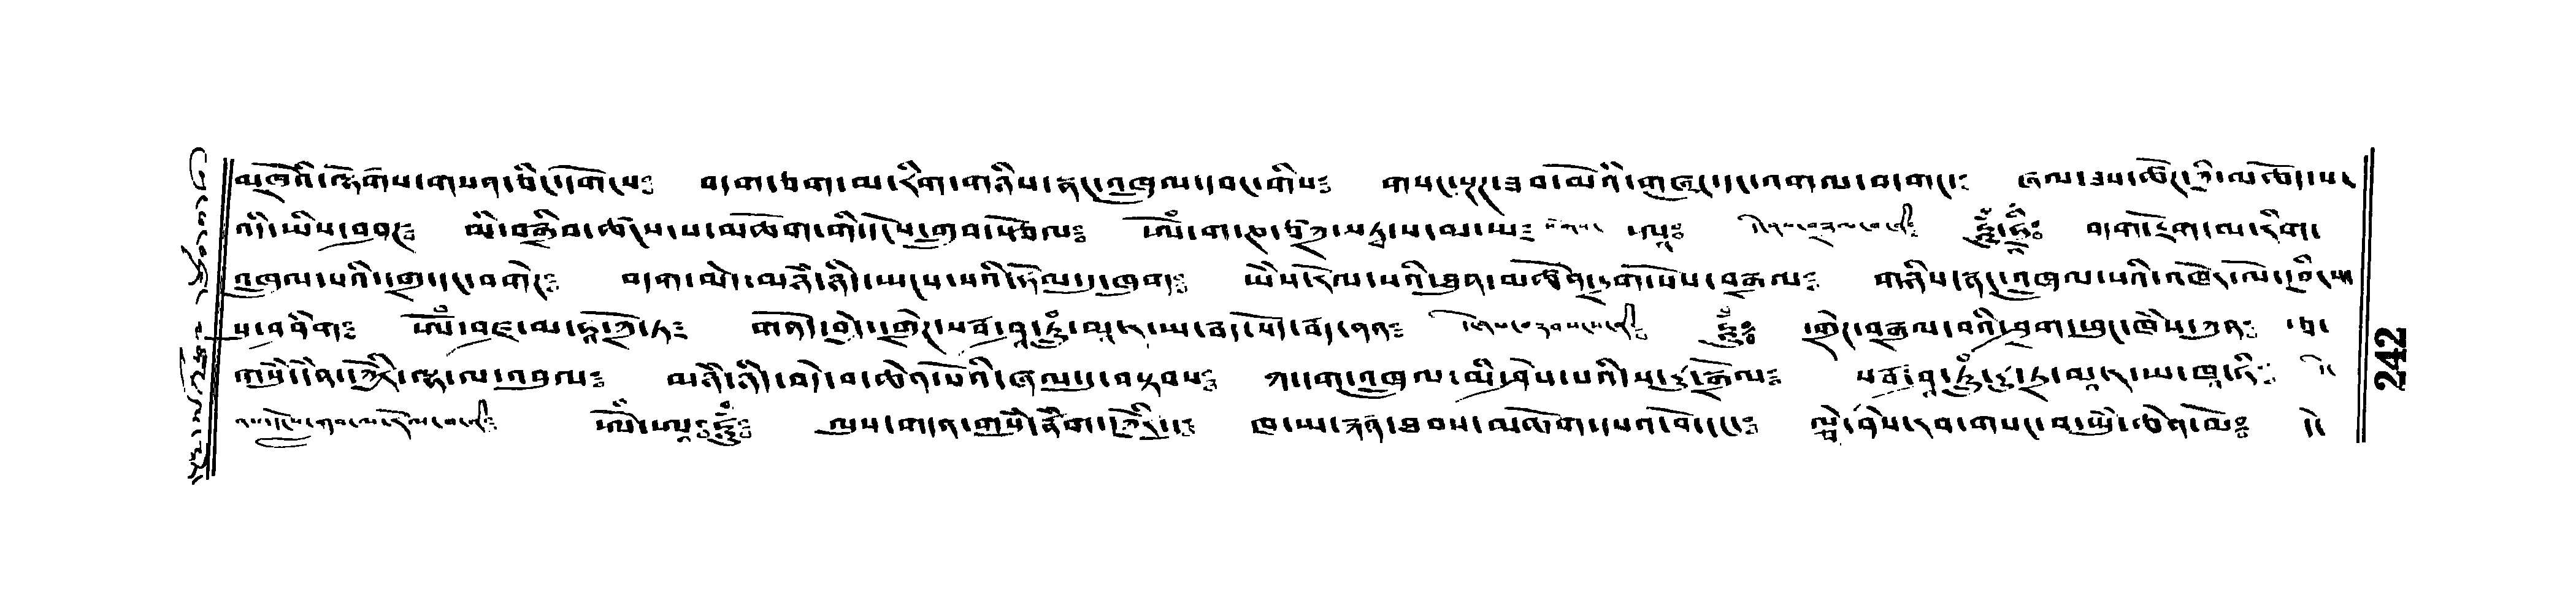མཁའ་འགྲོའི་ལྷ་ཚོགས་གསན་ཅིང་དགོངས༔ བདག་ཅག་མ་རིག་གཉིས་སྣང་འཁྲུལ་དབང་གིས༔ གསང་སྔགས་ཟབ་མོའི་གཞུང་དང་འགལ་བ་གང༔ ཞལ་ཟས་ཚོགས་ཀྱི་མཆོད་པ་
འདི་ཡིས་བཤགས༔ མི་བསྒྲིབ་ཚངས་པ་མཆོག་གི་དངོས་གྲུབ་སྩོལ༔ ཨོཾ་ག་ཎ་ཙཀྲ་སཏྭ་ས་མ་ཡ་སོགས༔ ཨཱཿ དེ་ནས་བསྒྲལ་བ་ནི༔ཧཱུྃ་ཧྲཱིཿ བདག་རྟོག་མ་རིག་
འཁྲུལ་པའི་དགྲ་དང་བགེགས༔ བདག་མེད་མཉམ་ཉིད་ཡངས་པའི་ཧོམ་དུ་ཁུག༔ ཡེ་ཤེས་རོལ་པའི་ཐུན་མཚོན་དྲག་པོས་བསྒྲལ༔ གཉིས་སྣང་འཁྲུལ་པའི་འཁོར་ལོ་དབྱིངས་
སུ་བཤིག༔ ཨོཾ་བཛྲ་མ་ཧཱ་ཀྲོ་ཏ་སོགས༔ གནོད་བྱེད་དགྲ་བགེགས་སརྦ་ཤཱ་ཏྲུཾ་མཱ་ར་ཡ་སྦད་སོད་རྦད་ནན༔ དེ་ནས་བསྟབ་པ་ནི༔ ཧཱུྃ༔ དགྲ་བགེགས་བསྒྲལ་བའི་ཤ་ཁྲག་ཕུང་ཁམས་ཀུན༔ རྩ་
གསུམ་དམ་ཅན་དཀྱིལ་འཁོར་ལྷ་ལ་འབུལ༔ མཉམ་ཉིད་བདེ་བ་ཆེན་པོའི་ཞལ་དུ་བསྟབ༔ ཀ་དག་འཁྲུལ་མི་ཤེས་པའི་ས་རུ་སྒྲོལ༔ སརྦ་ཤཱ་ཏྲུཾ་རུ་ཏྲ་མཱ་ར་ཡ་ཁཱ་ཧིཿ དེ་
ནས་དངོས་གྲུབ་ལ་རོལ་བ་ནི༔ ཨོཾ་ཨཱཿཧཱུྃ༔ ལུས་གདན་གསུམ་རྣམ་དག་དཀྱིལ་འཁོར་དུ༔ ཁ་ཡ་རྐན་ཐབས་མཆོག་དཔའ་བོ་དང༔ ལྕེ་ཤེས་རབ་གསང་བ་ཡུམ་ཆེན་མོ༔ དེ་